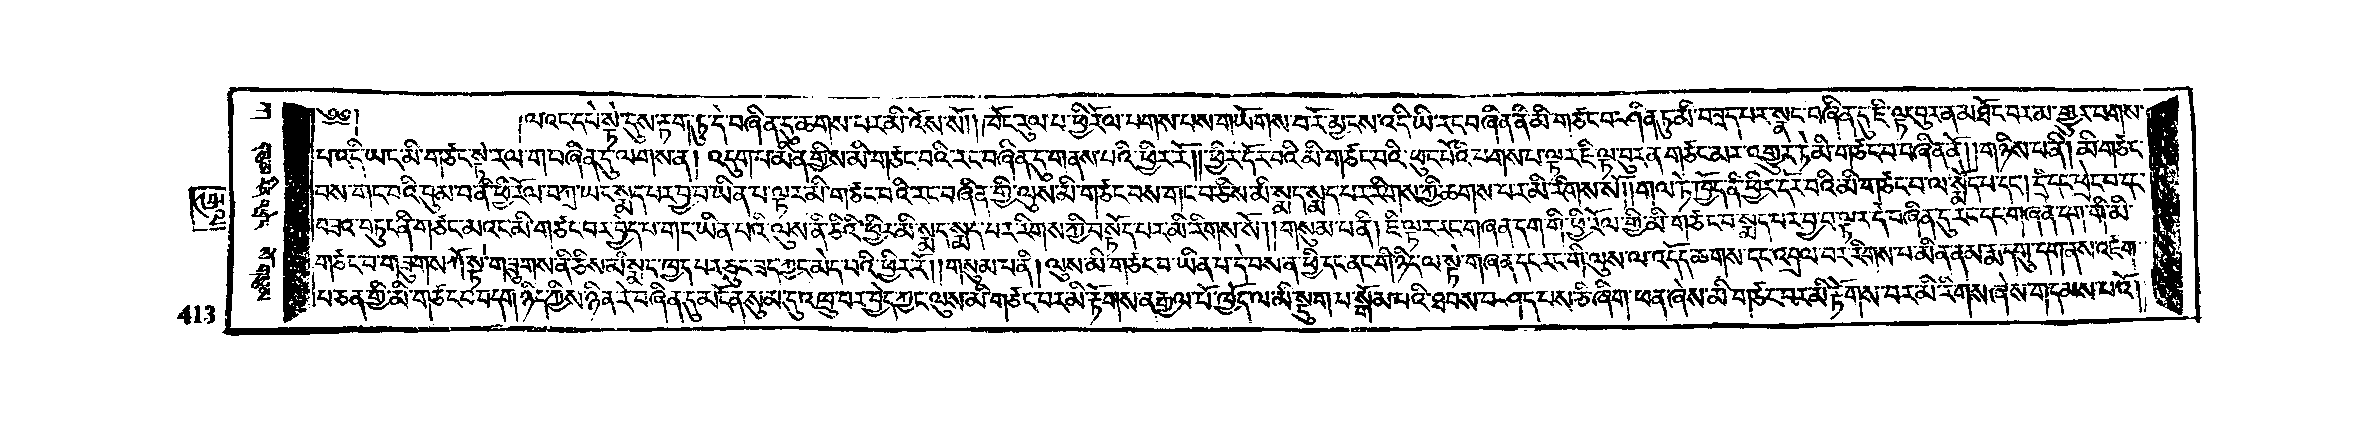༄༅། །ལའང་དཔེ་སྟེ་དུས་རྟག་ཏུ་དེ་བཞིན་དུ་ཆགས་པར་མི་འོས་སོ། །ཁོང་རུལ་པ་ཕྱི་རོལ་པགས་པས་གཡོགས་པ་རོ་མྱངས་འདི་ཡི་རང་བཞིན་ནི་མི་གཙང་བ་ཤིན་ཏུ་མི་བཟད་པར་སྣང་བཞིན་དུ་ཇི་ལྟ་བུར་ན་མཐོང་བར་མ་གྱུར་པགས་
པ་འདི་ཡང་མི་གཙང་སྟེ་རལ་ག་བཞིན་དུ་ལགས་ན། འདུག་པ་མིན་གྱིས་མི་གཙང་བའི་རང་བཞིན་དུ་གནས་པའི་ཕྱིར་རོ། །ཕྱིར་དོར་བའི་མི་གཙང་བའི་ཕུང་པོའི་པགས་པ་ལྟར་ཇི་ལྟ་བུར་ན་གཙང་མར་འགྱུར་ཏེ་མི་གཙང་བ་བཞིན་ནོ། །གཉིས་པ་ནི། མི་གཙང་
བས་གང་བའི་བུམ་པ་ནི་ཕྱི་རོལ་བཀྲ་ཡང་སྨད་པར་བྱ་བ་ཡིན་པ་ལྟར་མི་གཙང་བའི་རང་བཞིན་གྱི་ལུས་མི་གཙང་བས་གང་བ་ཅིས་མི་སྨད་སྨད་པར་རིགས་ཀྱི་ཆགས་པར་མི་རིགས་སོ། །གལ་ཏེ་ཁྱོད་ནི་ཕྱིར་དོར་བའི་མི་གཙང་བ་ལ་སྨོད་པ་དང་། དྲི་དང་ཕྲེང་བ་དང་
བཟའ་བཏུང་ནི་གཙང་མའང་མི་གཙང་བར་བྱེད་པ་གང་ཡིན་པའི་ལུས་ནི་ཅིའི་ཕྱིར་མི་སྨད་སྨད་པར་རིགས་ཀྱི་བསྟོད་པར་མི་རིགས་སོ། །གསུམ་པ་ནི། ཇི་ལྟར་རང་གཞན་དག་གི་ཕྱི་རོལ་གྱི་མི་གཙང་བ་སྨད་པར་བྱ་བ་ལྟར་དེ་བཞིན་དུ་རང་དང་གཞན་དག་གི་མི་
གཙང་བ་གཟུགས་ཀོ་སྟེ་གཟུགས་ནི་ཅིས་མི་སྨད་ཁྱད་པར་ཅུང་ཟད་ཀྱང་མེད་པའི་ཕྱིར་རོ། །གསུམ་པ་ནི། ལུས་མི་གཙང་བ་ཡིན་པ་དེ་བས་ན་ཕྱི་དང་ནང་གི་ཉིད་ལ་སྟེ་གཞན་དང་རང་གི་ལུས་ལ་འདོད་ཆགས་དང་འབྲལ་བར་རིགས་པ་མིན་ནམ་རྨ་དགུ་དག་ནས་འཛག་
པ་ཅན་གྱི་མི་གཙང་བ་བདག་ཉིད་ཀྱིས་ཉིན་རེ་བཞིན་དུ་མངོན་སུམ་དུ་འཁྲུ་བར་བྱེད་ཀྱང་ལུས་མི་གཙང་བར་མི་རྟོགས་ན་རྒྱལ་པོ་ཁྱོད་ལ་མི་སྡུག་པ་སྒོམ་པའི་ཐབས་བཤད་པས་ཅི་ཞིག་ཕན་ཞེས་མི་གཙང་བར་མི་རྟོགས་པར་མི་རིགས་ཞེས་གདམས་པའོ། །